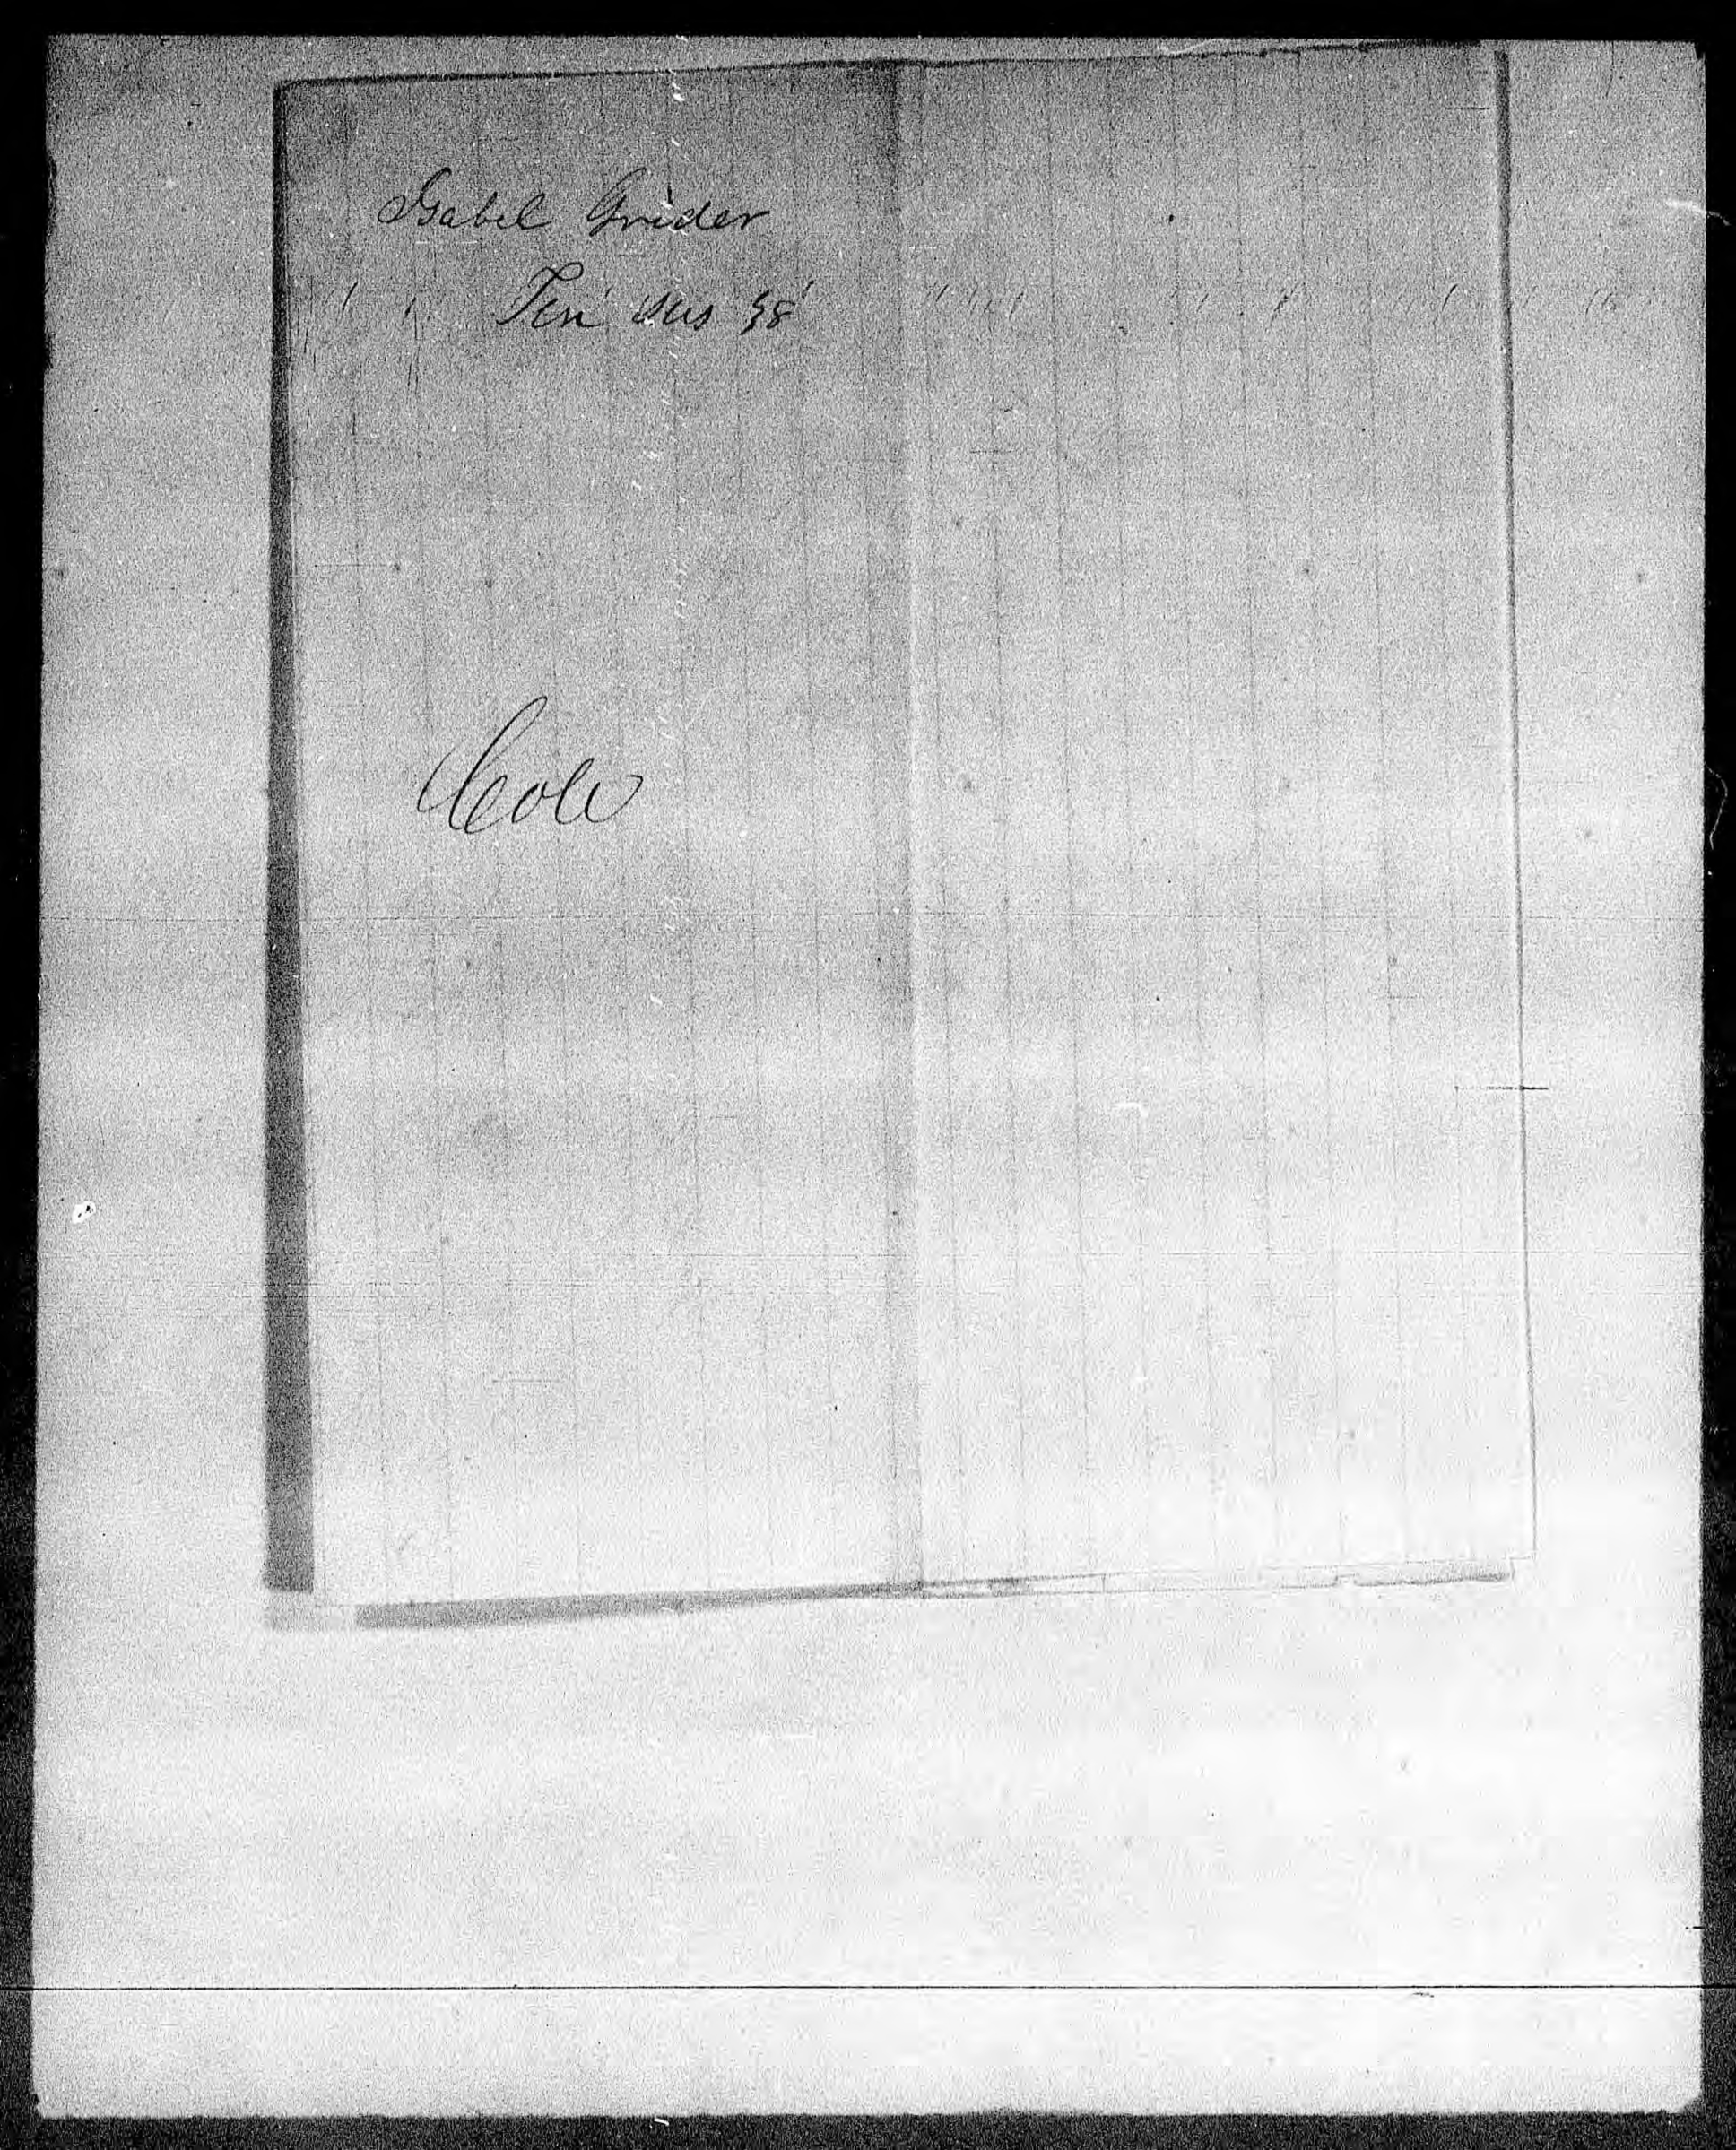Isabel Gride

Ten Suspects 38'

Cole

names: Isabel Grider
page: 54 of 91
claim: widow's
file: W 358, John Grider, N.C.